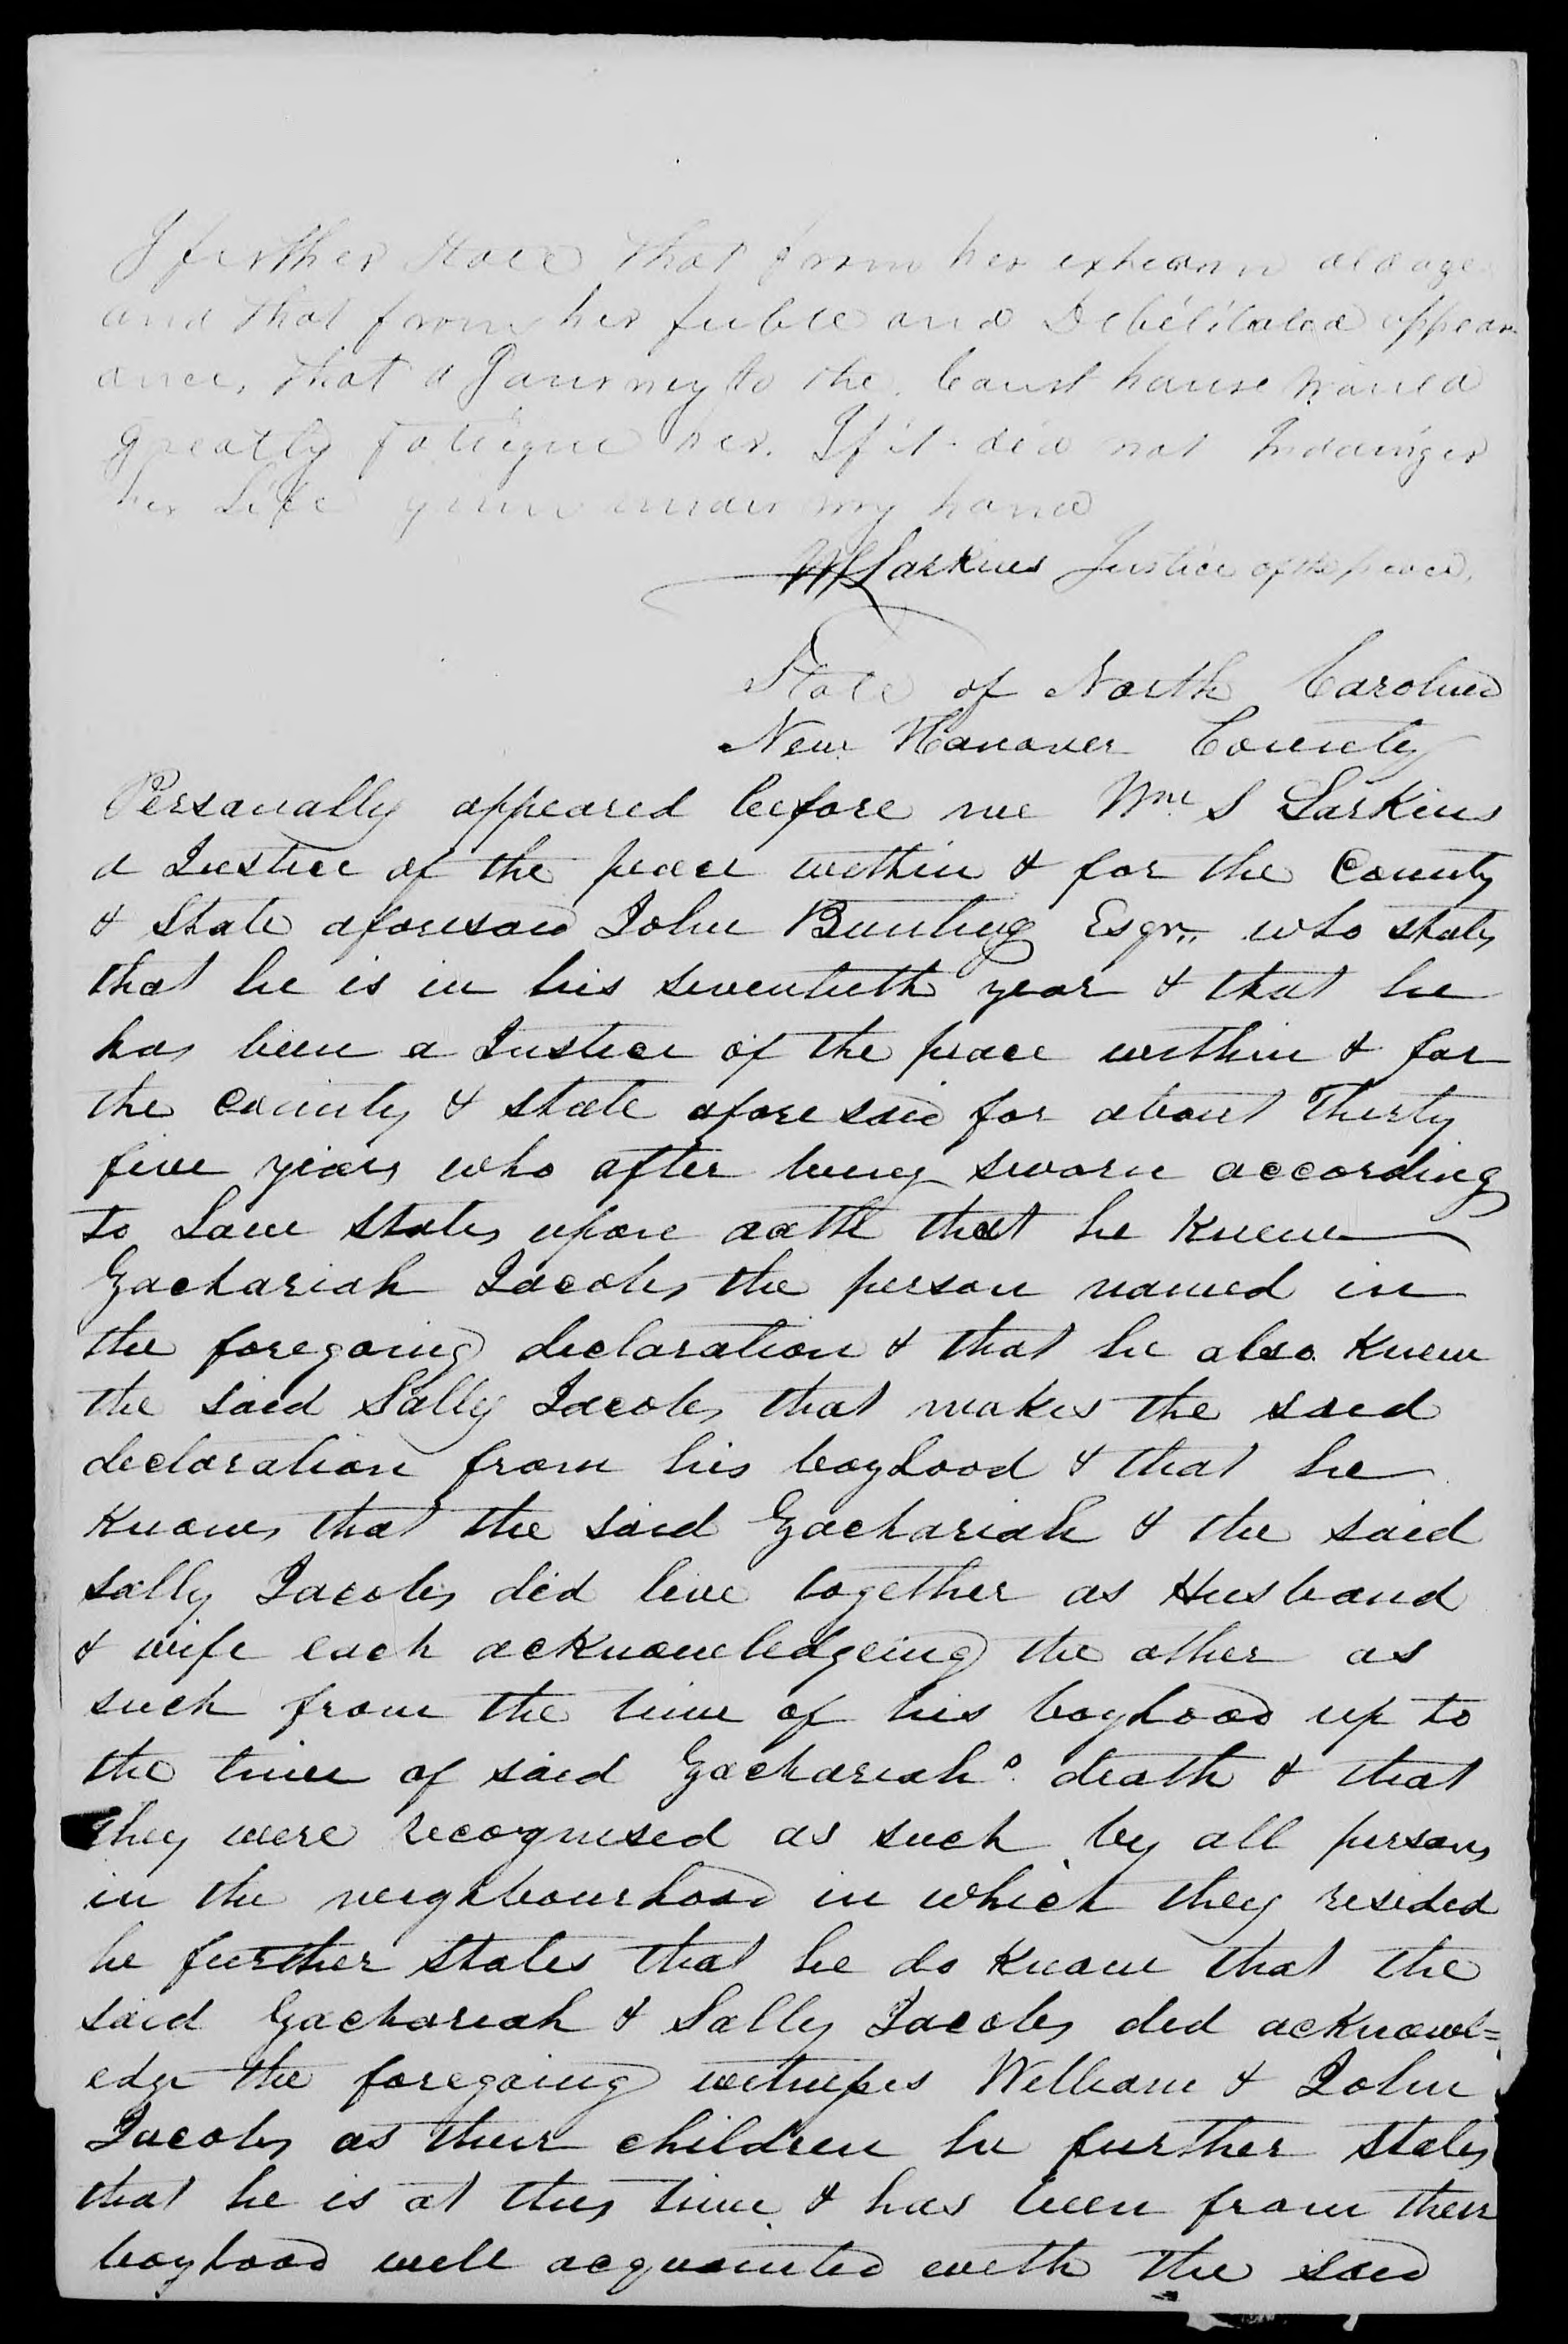I further Hold that from her extrem old age and that from her feeble and Debililated appearance, that a Journey to the Court house would greatly fatigue her.  If it did not Indanger her life I surrender my home
     [Signature] W.S Larkins  Justice of the Peace

                                  State of North Carolina
                                   New Hanover County
Personally appeared before me Wm. S. Larkins a Justice of the peace within & for the County and State aforesaid John Bunting Esqr who states that he is in his seventieth year & that he has been a Justice of the peace within & for the County & State aforesaid  for about thirty five years who after being sworn according to Law States upon oath that he knew Zachariah Jacobs the person named in the foregoing declaration & that he also knew the Said Sally Jacobs that makes the said declaration from his boyhood & that he knows that the said Zachariah & the said Sally Jacobs did live together as Husband & wife each acknowledging the other as such from the time of his boyhood up to the time of said Zachariah's death & that they were recognized as such by all persons in the neighborhood in which they resided he further States that he do know that the said Zachariah & Sally Jacobs did acknowledge the foregoing witnesses William & John Jacobs as their children he further states that he is at this time & has been from their boyhood will acquainted with the said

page: 4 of 40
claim: widow's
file: W. 5304, for Zachariah Jacobs, North Carolina